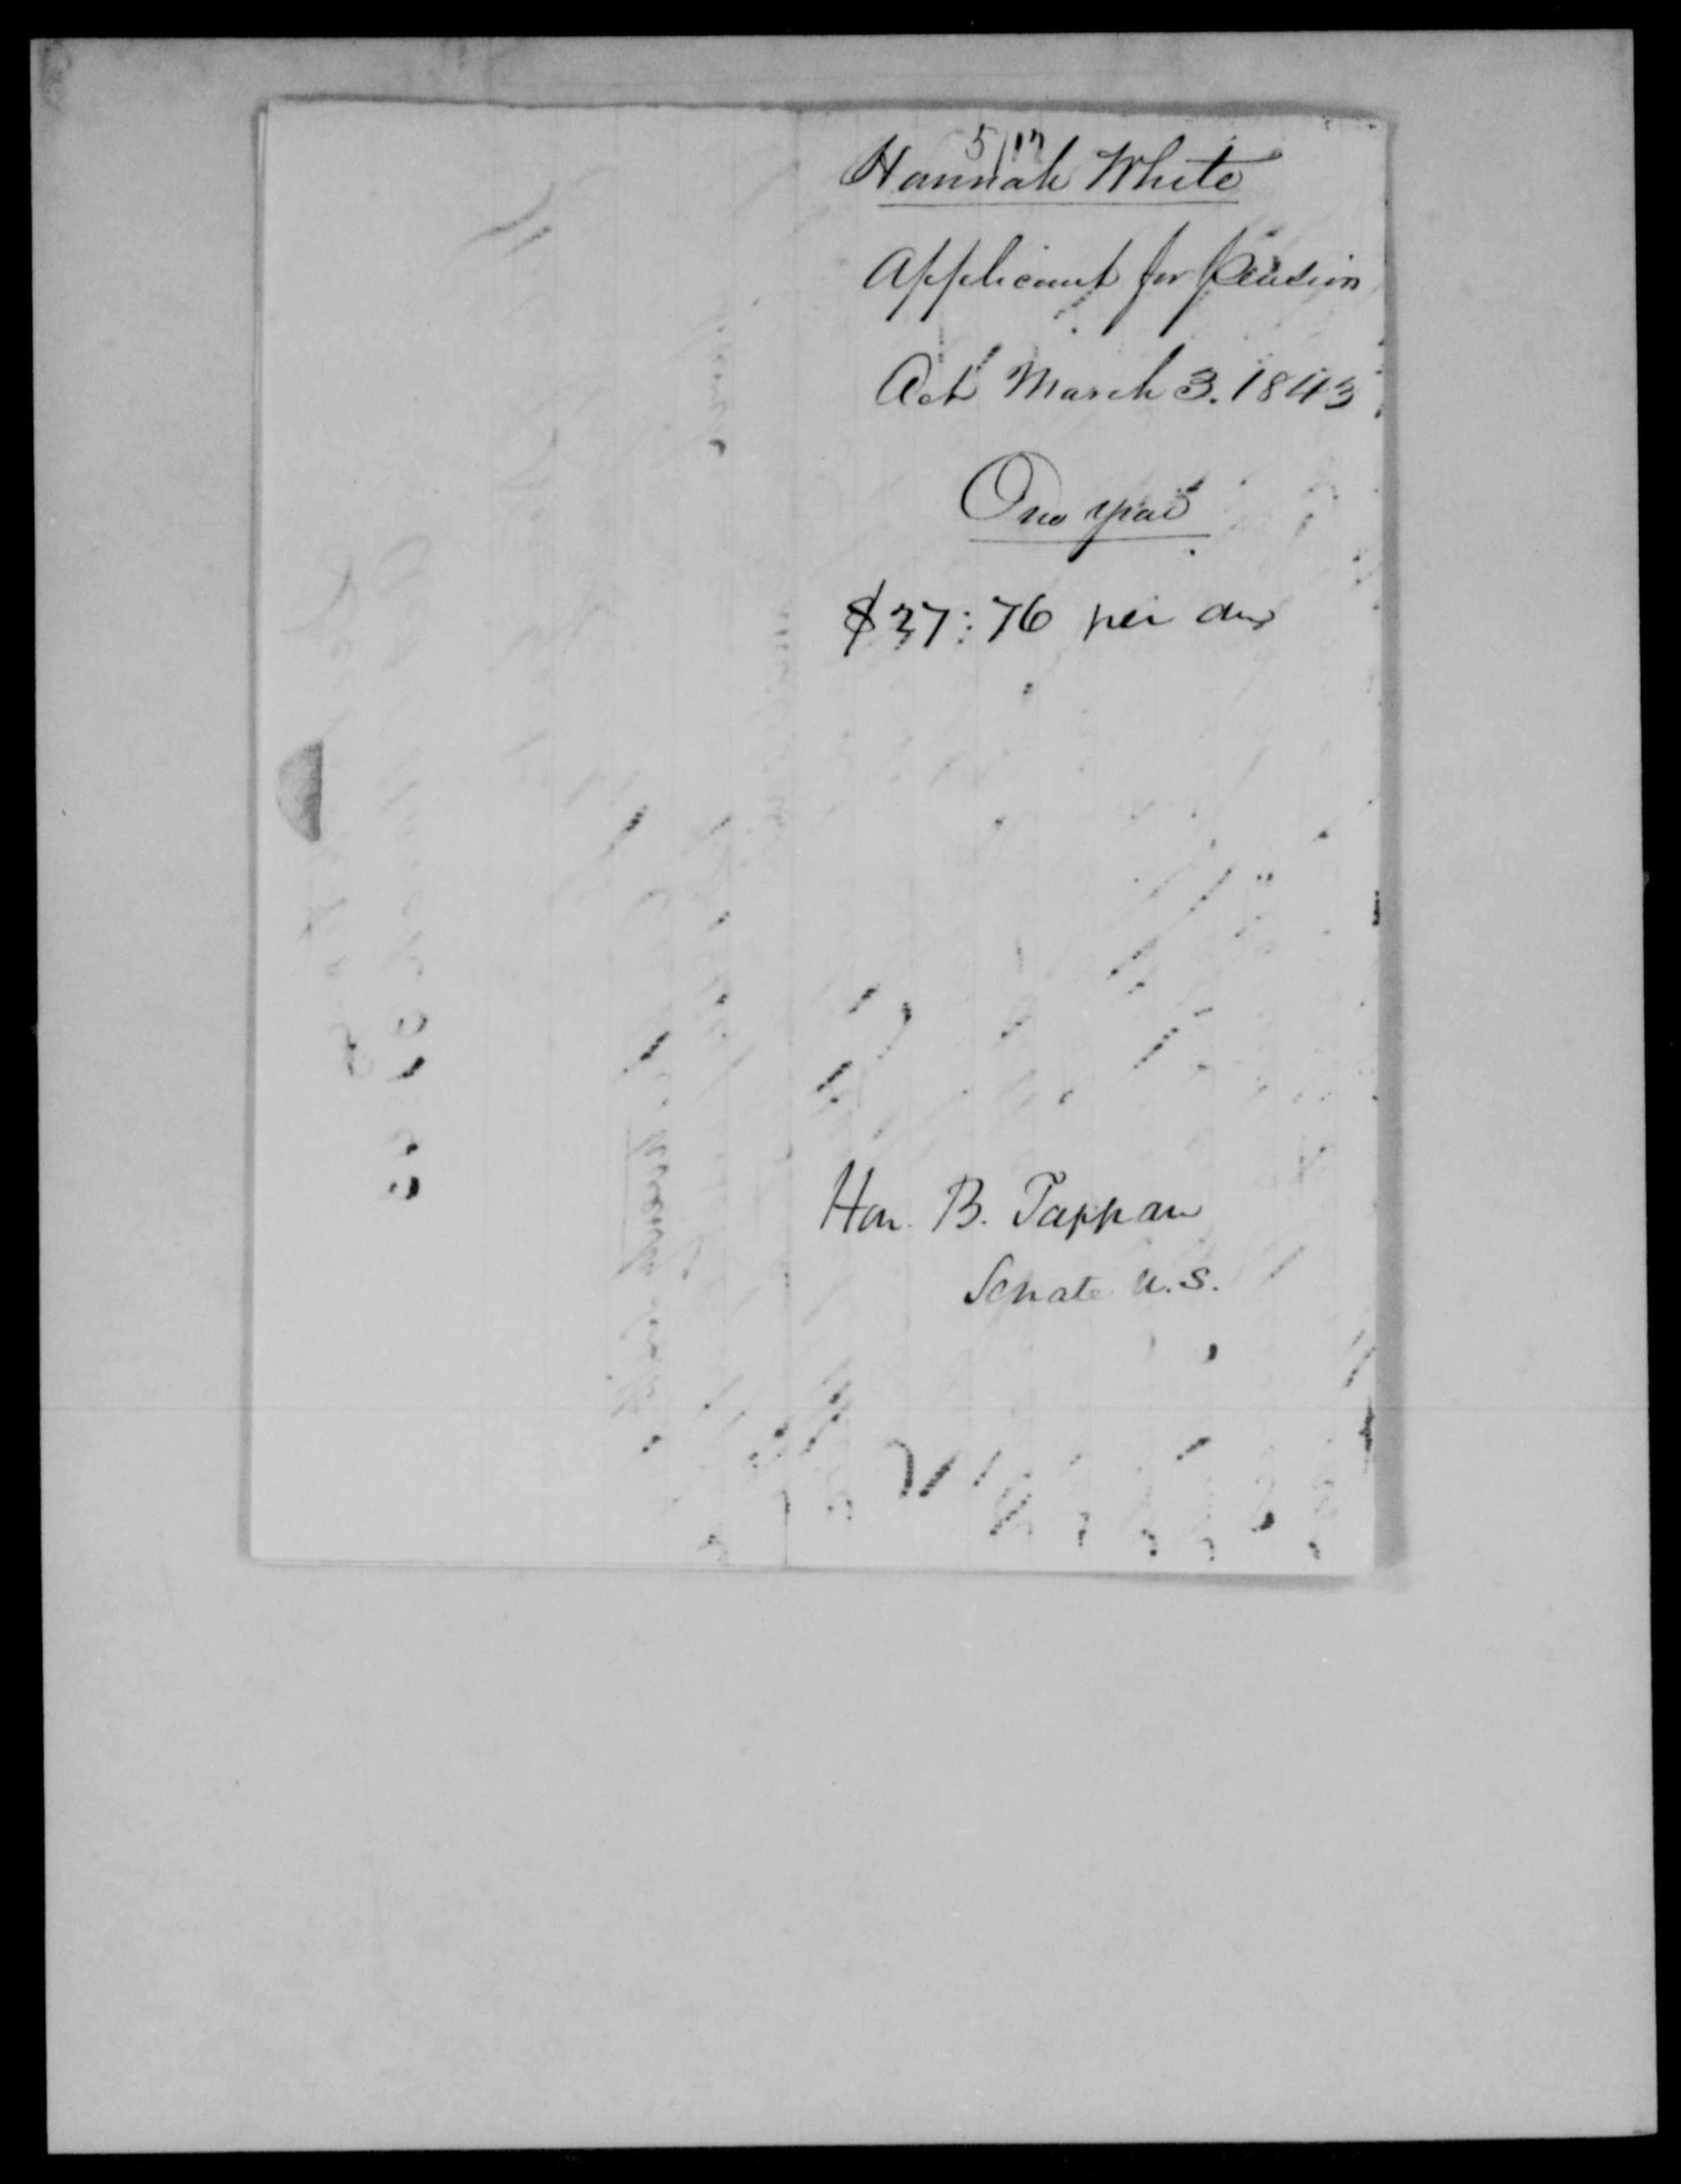5102
Hannah White

Applicant for Pension

Act March 3, 1843

One year

$37.76 per an

Hon. B. Tappan
Senate U.S.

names: Hannah White, B Tappan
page: 60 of 63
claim: widow's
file: W. 18403, David White, Conn.